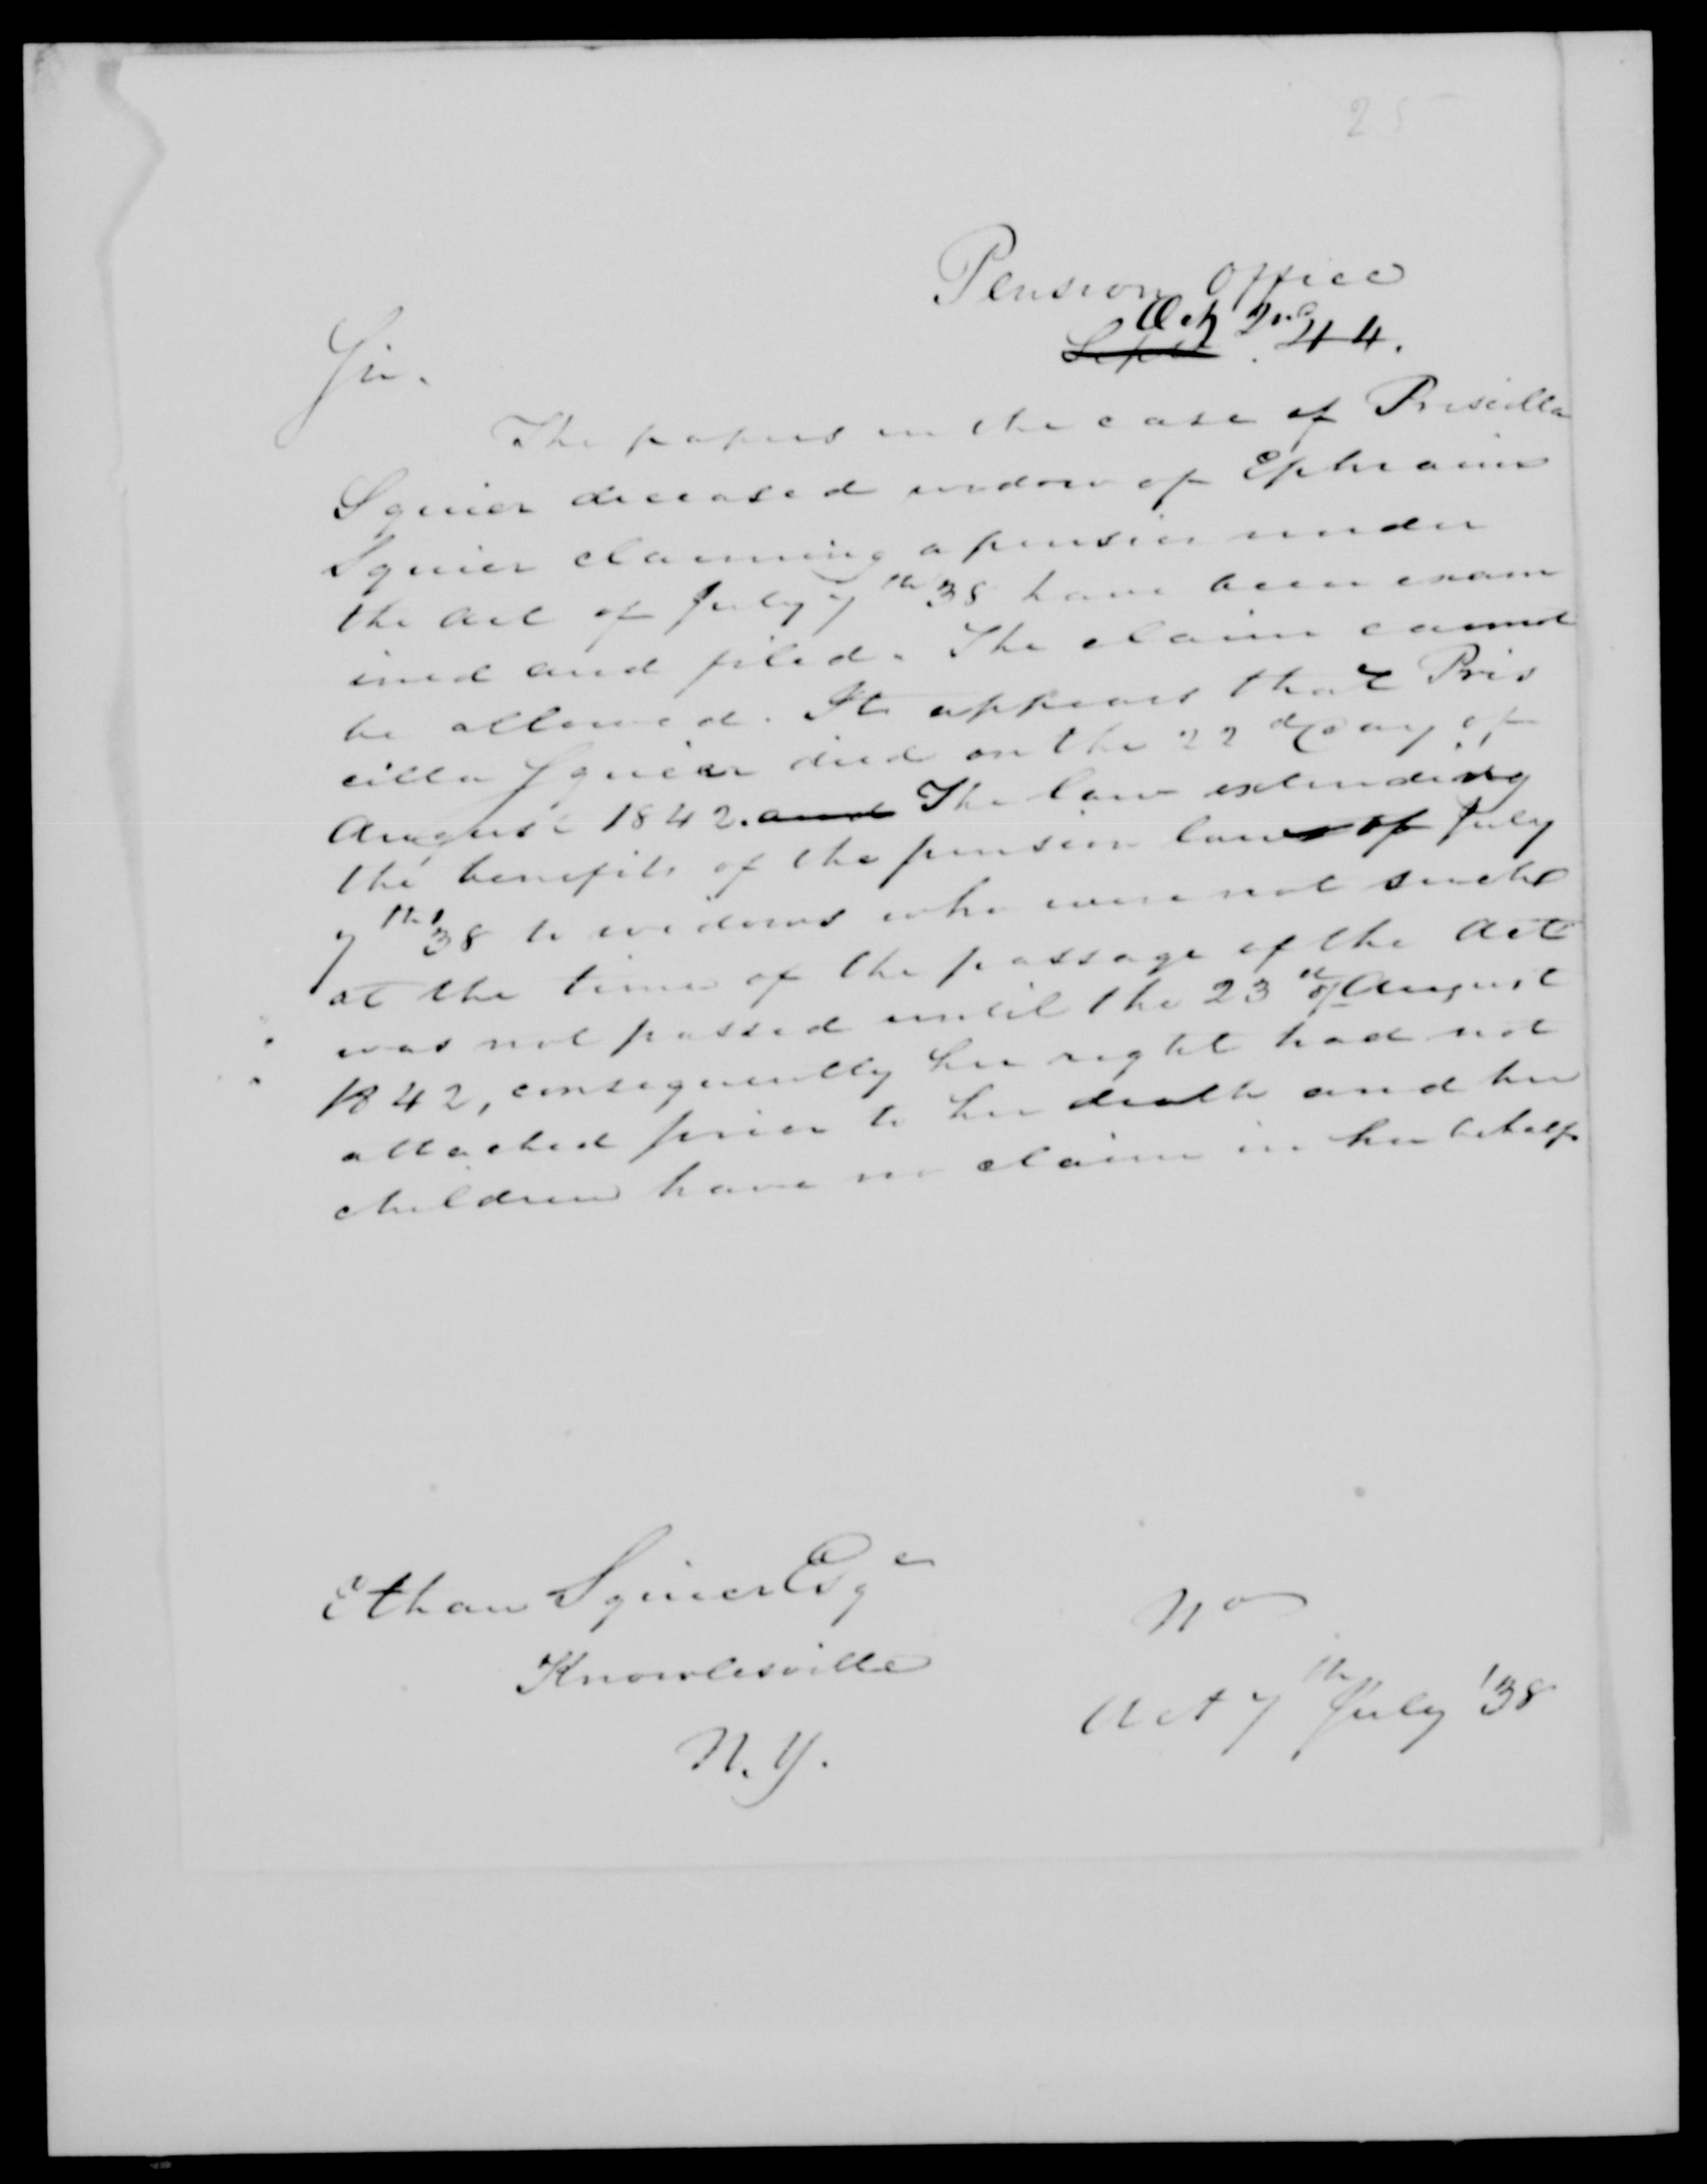Pension Office
Apr 2nd 44.

Sir,
The papers in the case of Priscilla Squier deceased widow of Ephraim Squier claiming a pension under the act of July 7th 38 have [illegible][illegible]  [illegible] and filed. The claim cannot be allowed. It appears that Priscilla died on the 22nd Day of April 1842. The law excluding the benefits of the pension law of July 7th 38 to widowers who were such at the time of the passage of the Act was not passed until the 23 of April 1842, consequently her right had not attached him to her death and her children have no claim in her behalf.

Ethan Squier
Knowlesville 
N.Y. 

No. Act 7th July 38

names: Priscilla Squier; Ethan Squier; Ephraim Squier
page: 52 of 70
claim: rejected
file: R. 10,026, for Ephraim Squier, Connecticut